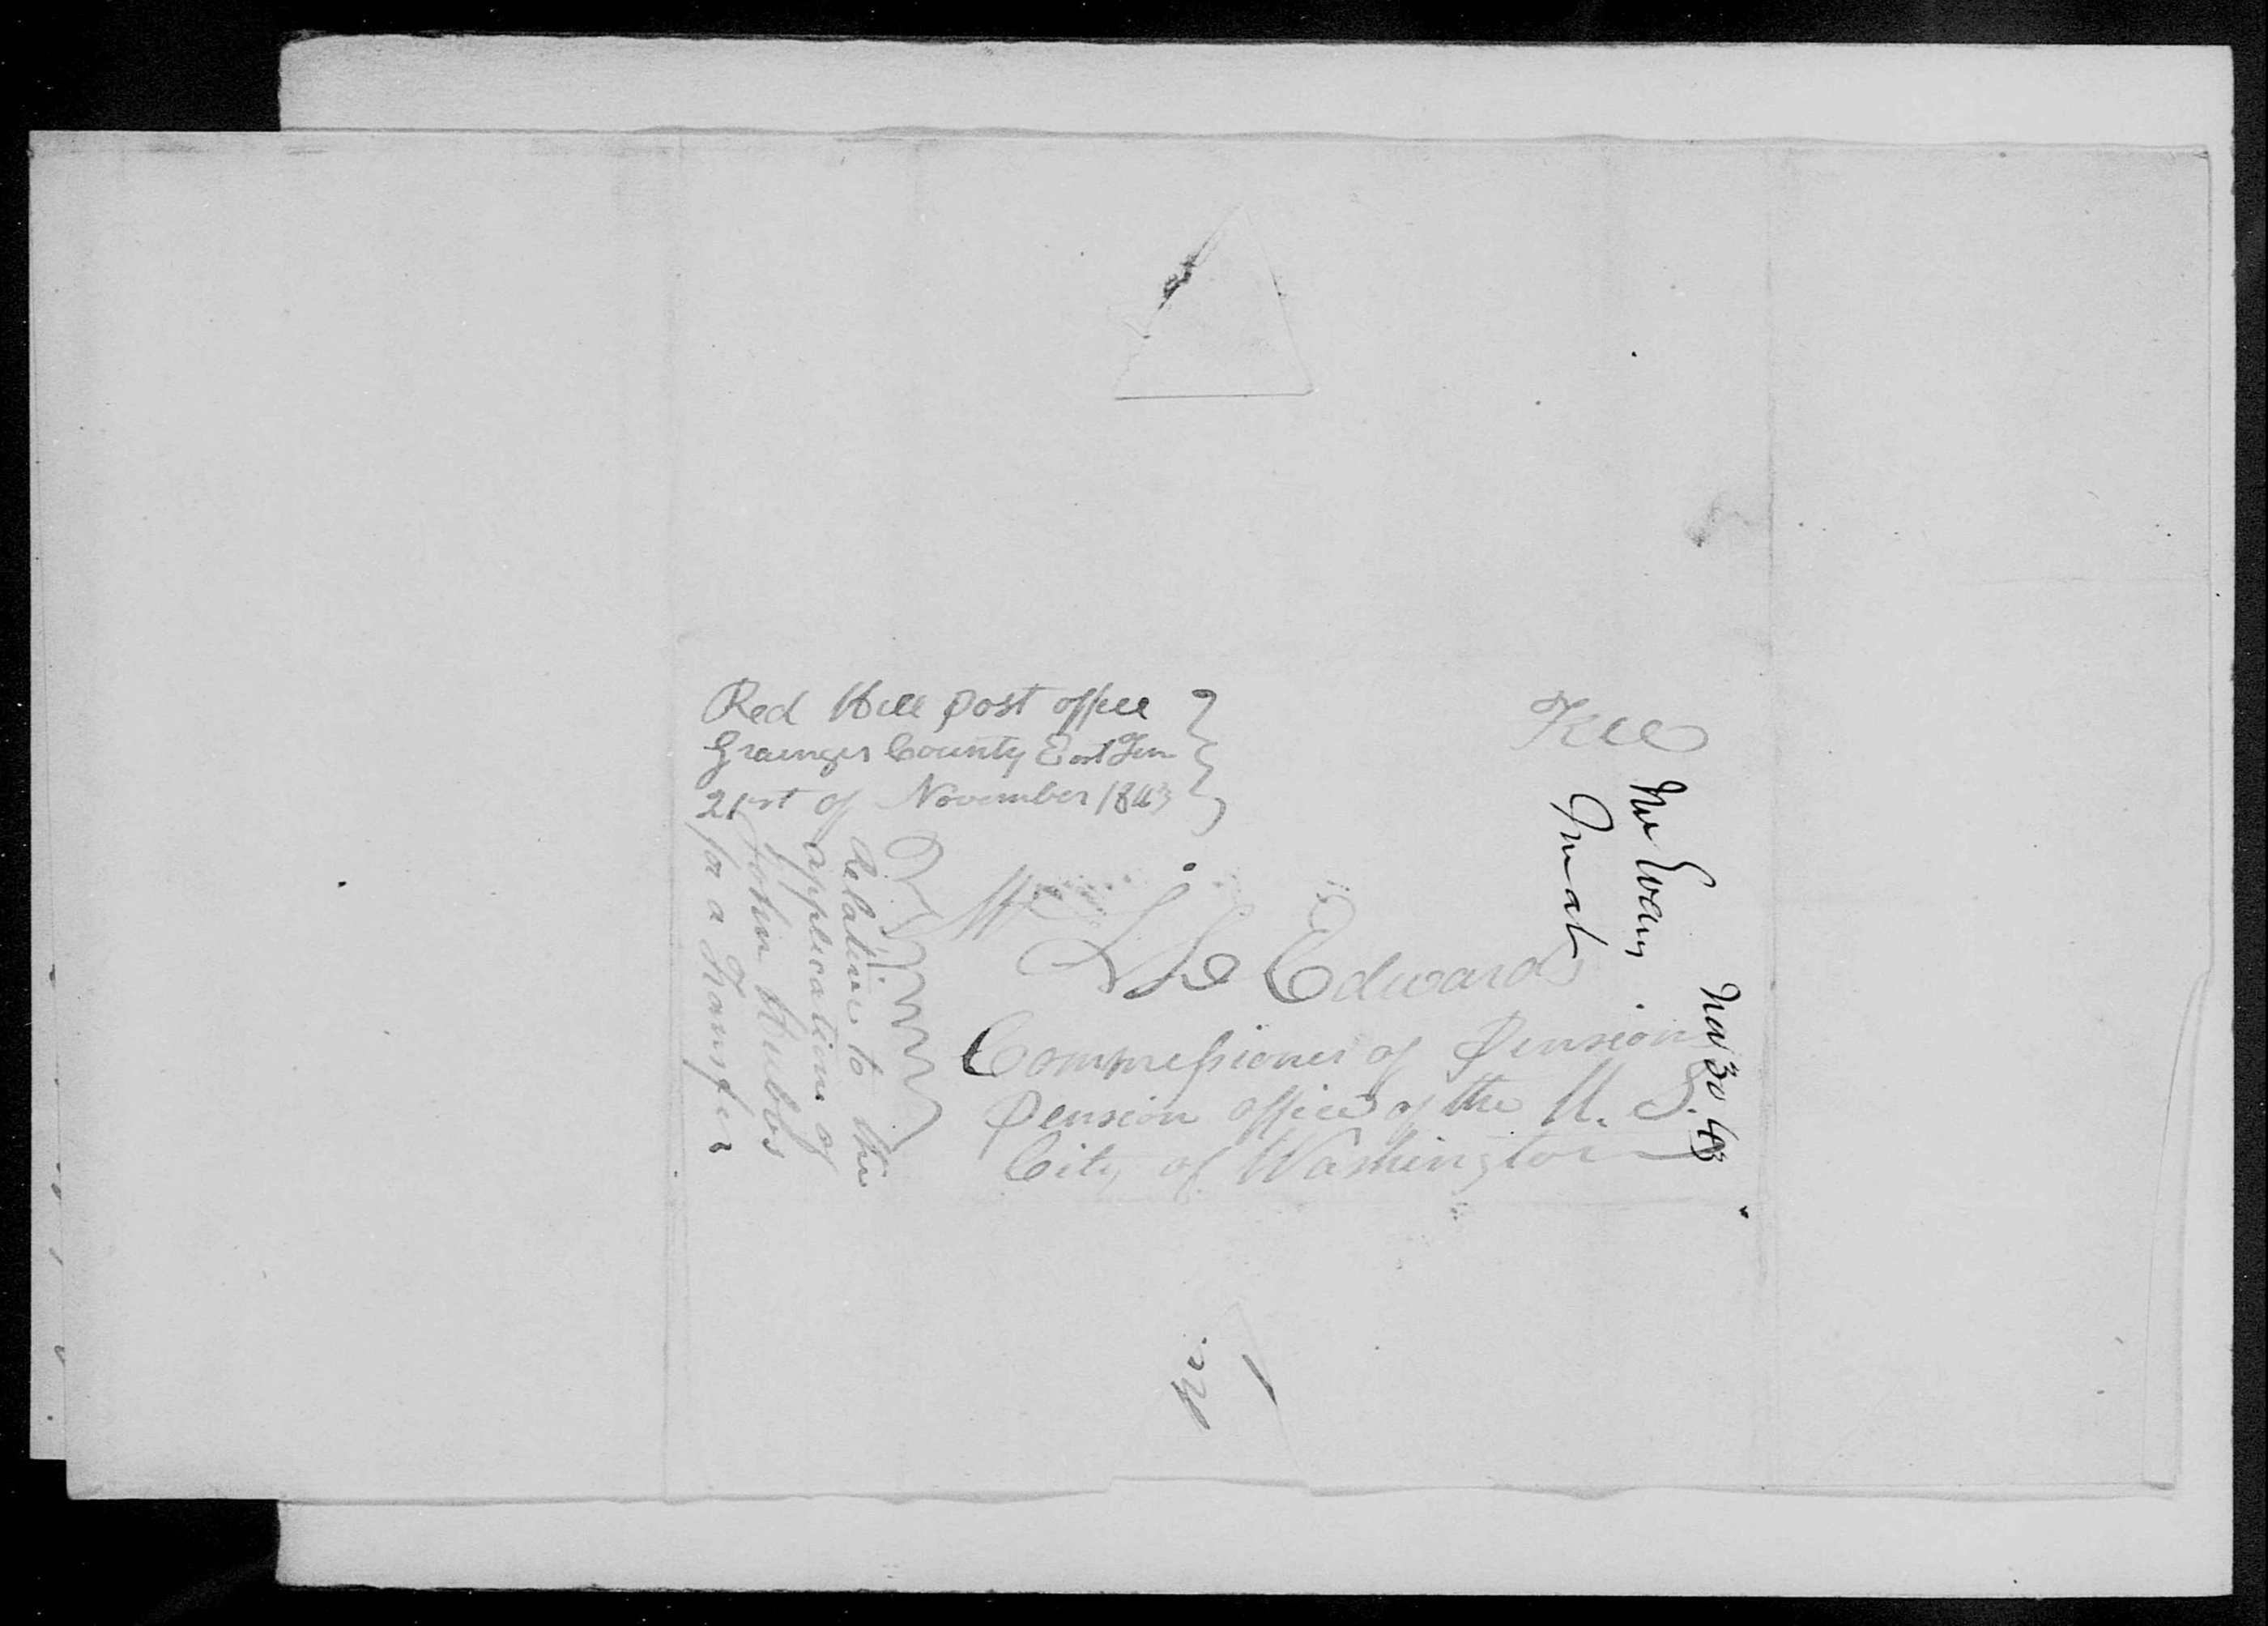Red Hill Post Office
Grainger County E. Tenn
21st of November 1843
Free
J.L. Edwards
Commissioner of Pensions
Pension Office of the U.S.
City of Washington
-------------------
Nov. 30, 43
Mr Evans
Mail
---------------------
Relations to the application of John Hubbs for a Transfer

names: J L Edwards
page: 51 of 86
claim: widow's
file: W. 1035, John Hubbs, S.C.